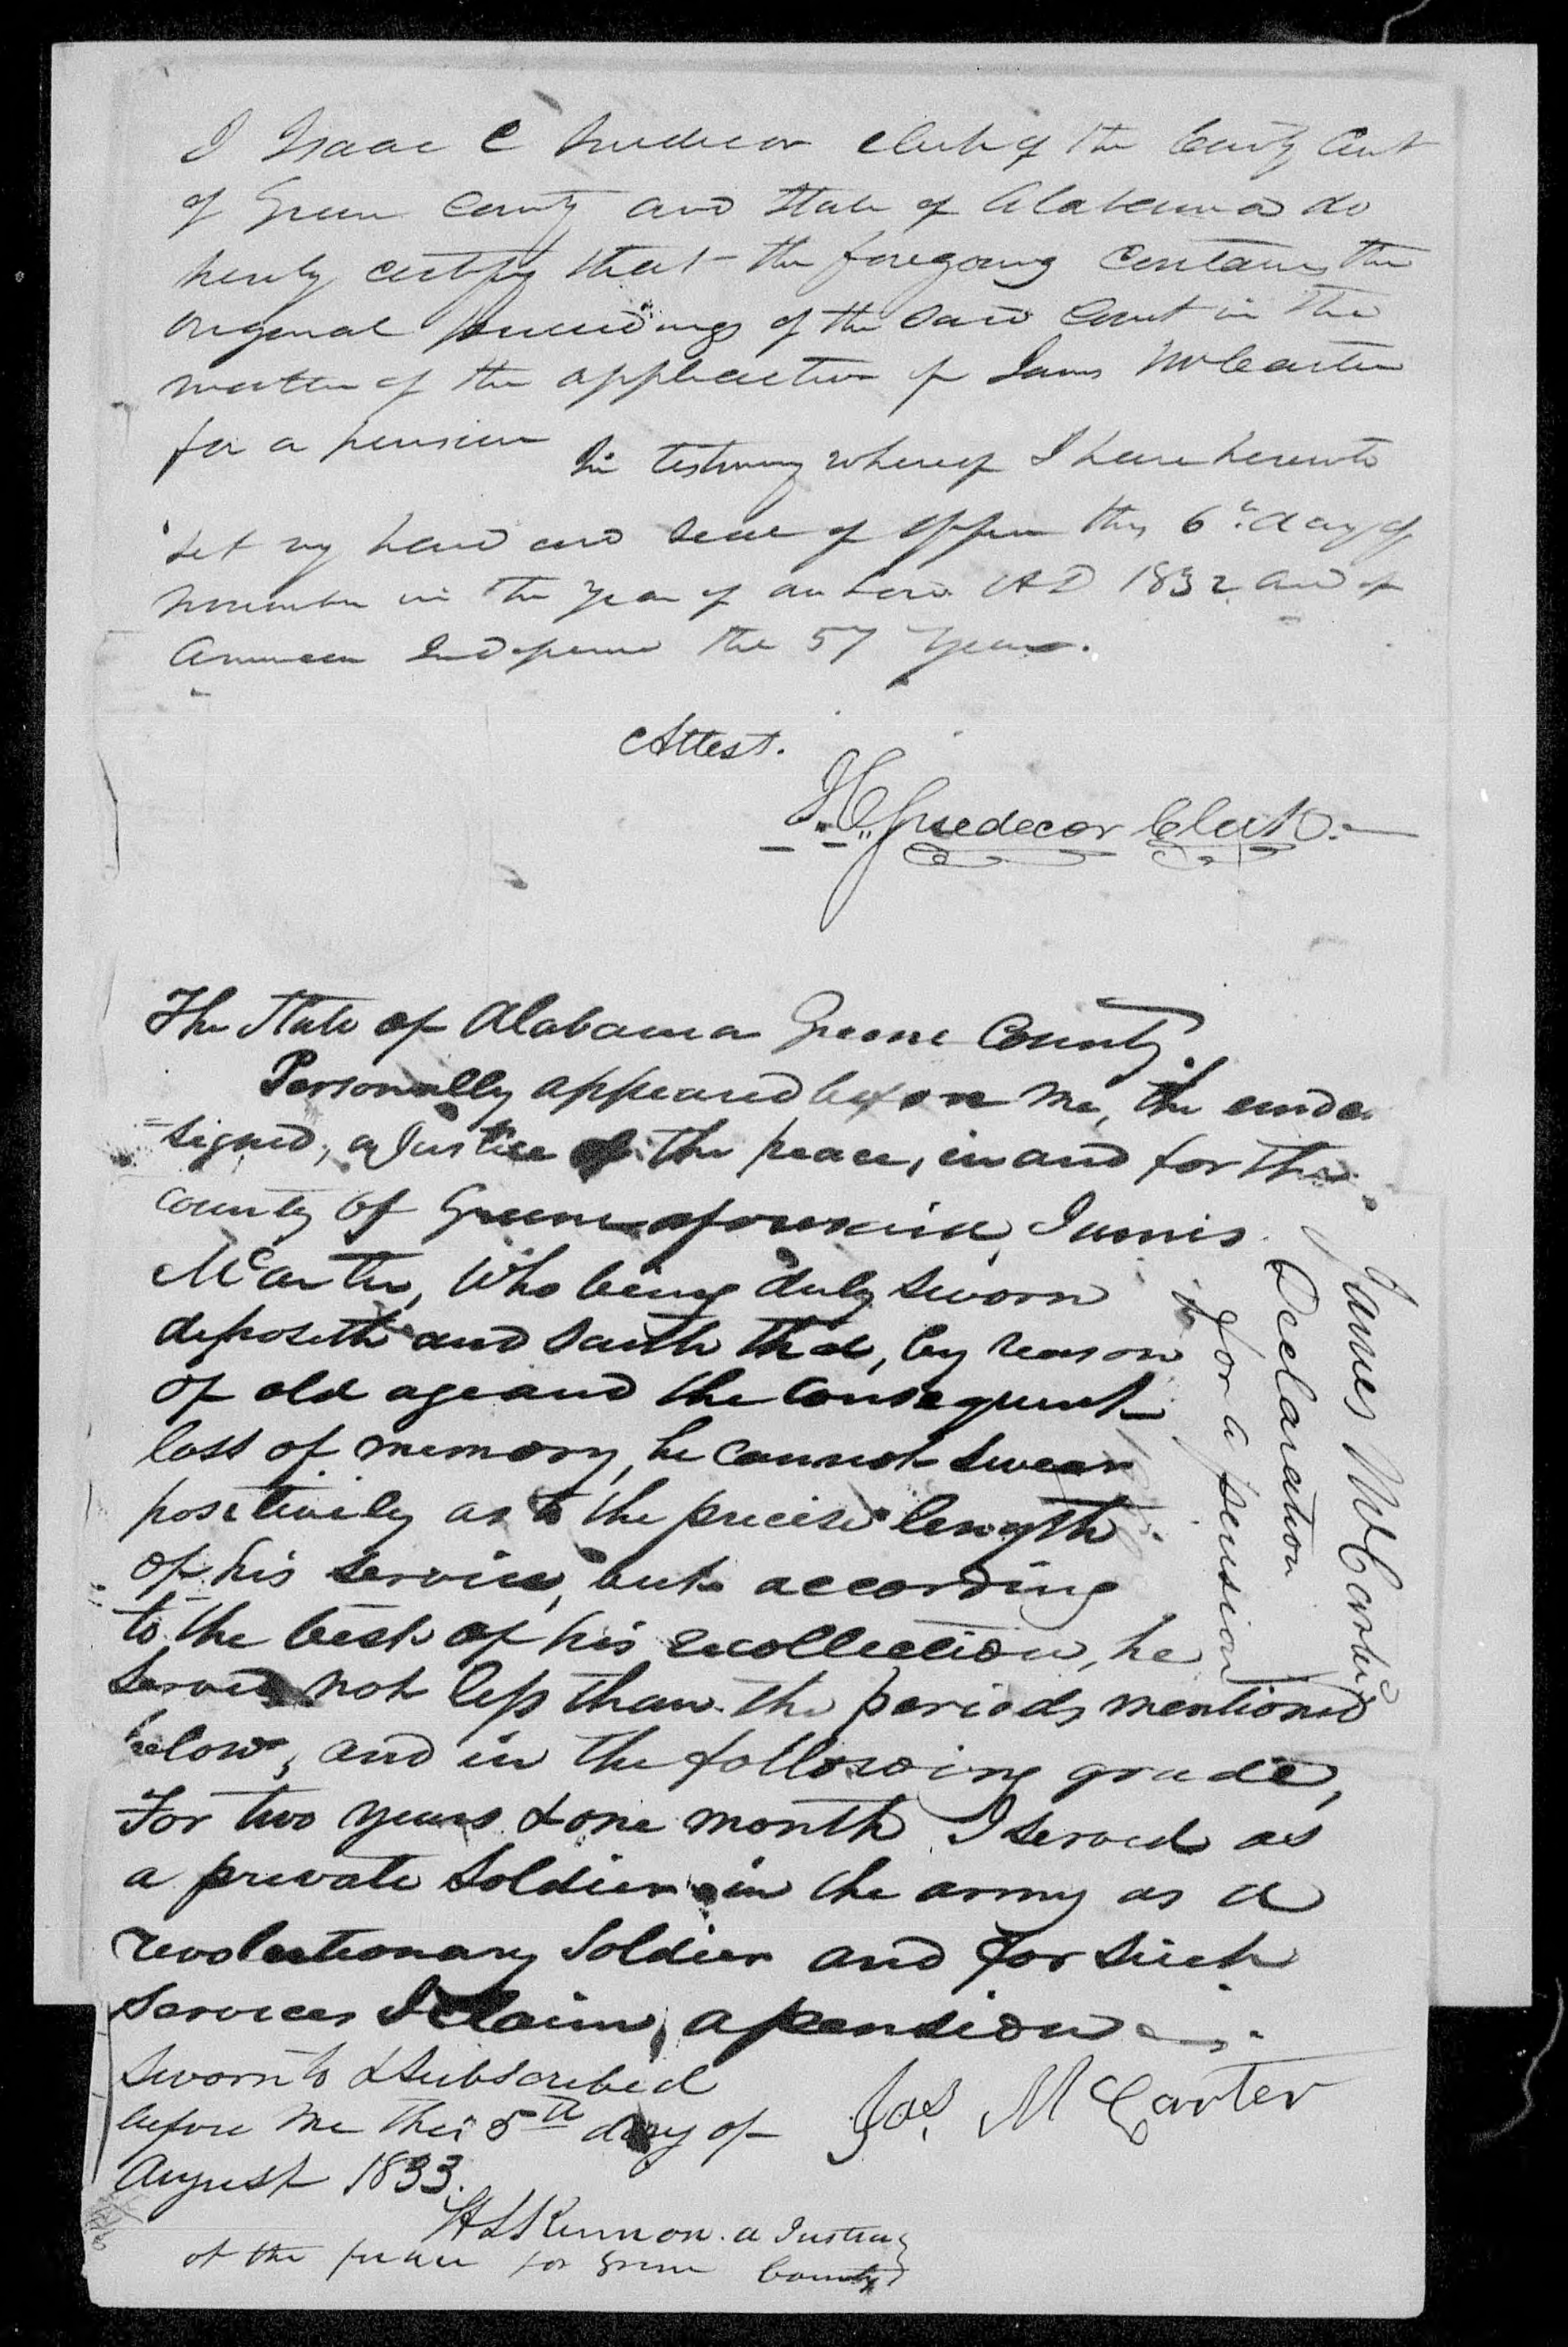I Isaac C Hudson Clerk of the County Court of Green County and State of Alabama do
hereby certify that the foregoing contains the
original proceedings of the said Court in the
matter o  the application of James McCarter
for a pension his testimony whereof I have hereunto set my hand and seal of office this 6th day of November in the year of our Lord AD 1832 and of American Independance the
 57 years.
Attest
IC [illegible] Clerk.

The State of Alabama Greene County
Personally appeared before me, the undersigned,, a Justice of the peace in and for the County of Greene aforesaid James McCarter, who being duly sworn deposeth and saith that, by reason of old age and the consequent loss of memory, he cannot swear
positively as to the precise length of his service but according to the best of his recollection, he served not less than the period mentioned below, and in the following grade, 
For two years & one month I served as a
private soldier in the army as a Revolutionary Soldier and for such Services I claim a pension

Jas. McCarter

Sworn + subscribed before me this 5th day of August 1833.

H S Kennon a Justice of the peace for same County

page: 10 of 45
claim: survivor's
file: S. 13,890, for James Mc Carter, South Carolina